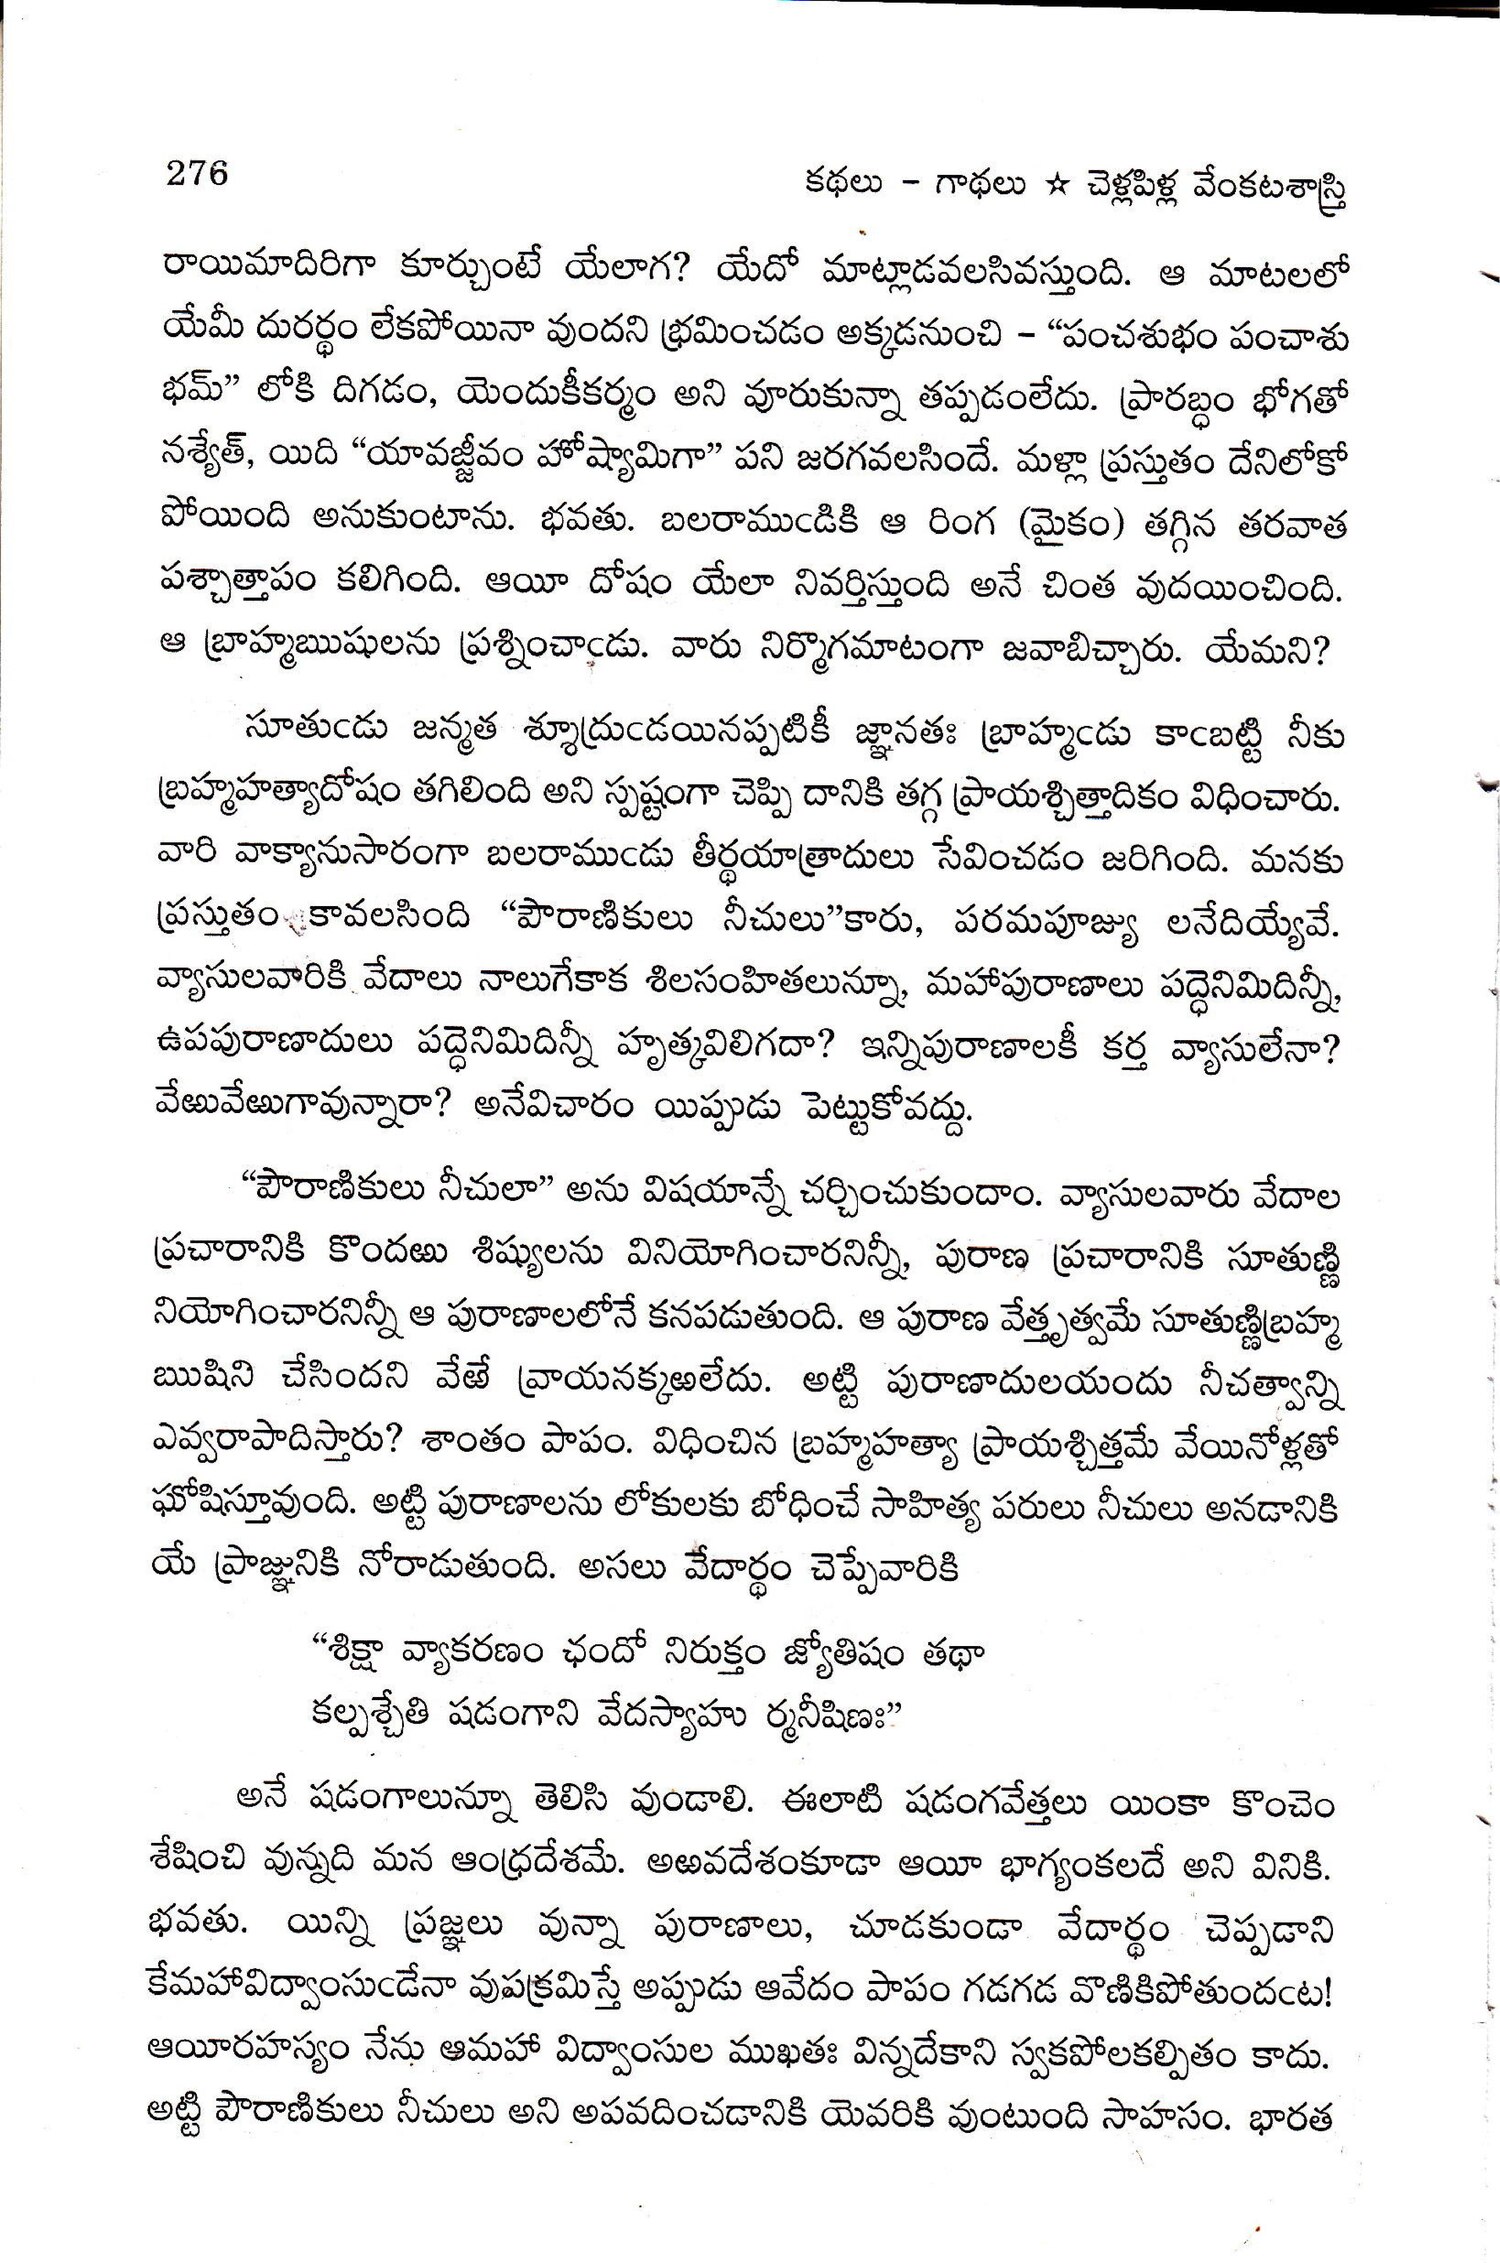రాయిమాదిరిగా కూర్చుంటే యేలాగ? యేదో మాట్లాడవలసివస్తుంది. ఆ మాటలలో యేమీ దురర్ధం లేకపోయినా వుందని భ్రమించడం అక్కడనుంచి – “పంచశుభం పంచాశుభమ్" లోకి దిగడం, యెందుకీకర్మం అని వూరుకున్నా తప్పడంలేదు. ప్రారబ్ధం భోగతో నశ్యేత్, యిది "యావజ్జీవం హోష్యామిగా” పని జరగవలసిందే. మళ్లా ప్రస్తుతం దేనిలోకో పోయింది అనుకుంటాను. భవతు. బలరాముఁడికి ఆ రింగ (మైకం) తగ్గిన తరవాత పశ్చాత్తాపం కలిగింది. ఆయీ దోషం యేలా నివర్తిస్తుంది అనే చింత వుదయించింది. ఆ బ్రాహ్మఋషులను ప్రశ్నించాఁడు. వారు నిర్మొగమాటంగా జవాబిచ్చారు. యేమని?

సూతుఁడు జన్మత శ్శూద్రుఁడయినప్పటికీ జ్ఞానతః బ్రాహ్మఁడు కాఁబట్టి నీకు బ్రహ్మహత్యాదోషం తగిలింది అని స్పష్టంగా చెప్పి దానికి తగ్గ ప్రాయశ్చిత్తాదికం విధించారు. వారి వాక్యానుసారంగా బలరాముఁడు తీర్థయాత్రాదులు సేవించడం జరిగింది. మనకు ప్రస్తుతం కావలసింది “పౌరాణికులు నీచులు"కారు, పరమపూజ్యు లనేదియ్యేవే. వ్యాసులవారికి వేదాలు నాలుగేకాక శిలసంహితలున్నూ మహాపురాణాలు పద్దెనిమిదిన్నీ ఉపపురాణాదులు పద్దెనిమిదిన్నీ హృత్కవిలిగదా? ఇన్నిపురాణాలకీ కర్త వ్యాసులేనా? వేఱువేఱుగావున్నారా? అనేవిచారం యిప్పుడు పెట్టుకోవద్దు.

“పౌరాణికులు నీచులా” అను విషయాన్నే చర్చించుకుందాం. వ్యాసులవారు వేదాల ప్రచారానికి కొందఱు శిష్యులను వినియోగించారనిన్నీ పురాణ ప్రచారానికి సూతుణ్ణి నియోగించారనిన్నీ ఆ పురాణాలలోనే కనపడుతుంది. ఆ పురాణ వేత్తృత్వమే సూతుణ్ణి బ్రహ్మఋషిని చేసిందని వేఱే వ్రాయనక్కఱలేదు. అట్టి పురాణాదులయందు నీచత్వాన్ని ఎవ్వరాపాదిస్తారు? శాంతం పాపం. విధించిన బ్రహ్మహత్యా ప్రాయశ్చిత్తమే వేయినోళ్లతో ఘోషిస్తూవుంది. అట్టి పురాణాలను లోకులకు బోధించే సాహిత్య పరులు నీచులు అనడానికి యే ప్రాజ్ఞునికి నోరాడుతుంది. అసలు వేదార్థం చెప్పేవారికి

“శిక్షా వ్యాకరణం ఛందో నిరుక్తం జ్యోతిషం తథా 
 కల్పశ్చేతి షడంగాని వేదస్యాహు ర్మనీషిణః"
అనే షడంగాలున్నూ తెలిసి వుండాలి. ఈలాటి షడంగవేత్తలు యింకా కొంచెం శేషించి వున్నది మన ఆంధ్రదేశమే. అఱవదేశంకూడా ఆయీ భాగ్యంకలదే అని వినికి. భవతు. యిన్ని ప్రజ్ఞలు వున్నా పురాణాలు, చూడకుండా వేదార్థం చెప్పడాని కేమహావిద్వాంసుఁడేనా వుపక్రమిస్తే అప్పుడు ఆవేదం పాపం గడగడ వొణికిపోతుందఁట! ఆయీరహస్యం నేను ఆమహా విద్వాంసుల ముఖతః విన్నదేకాని స్వకపోలకల్పితం కాదు. అట్టి పౌరాణికులు నీచులు అని అపవదించడానికి యెవరికి వుంటుంది సాహసం. భారత